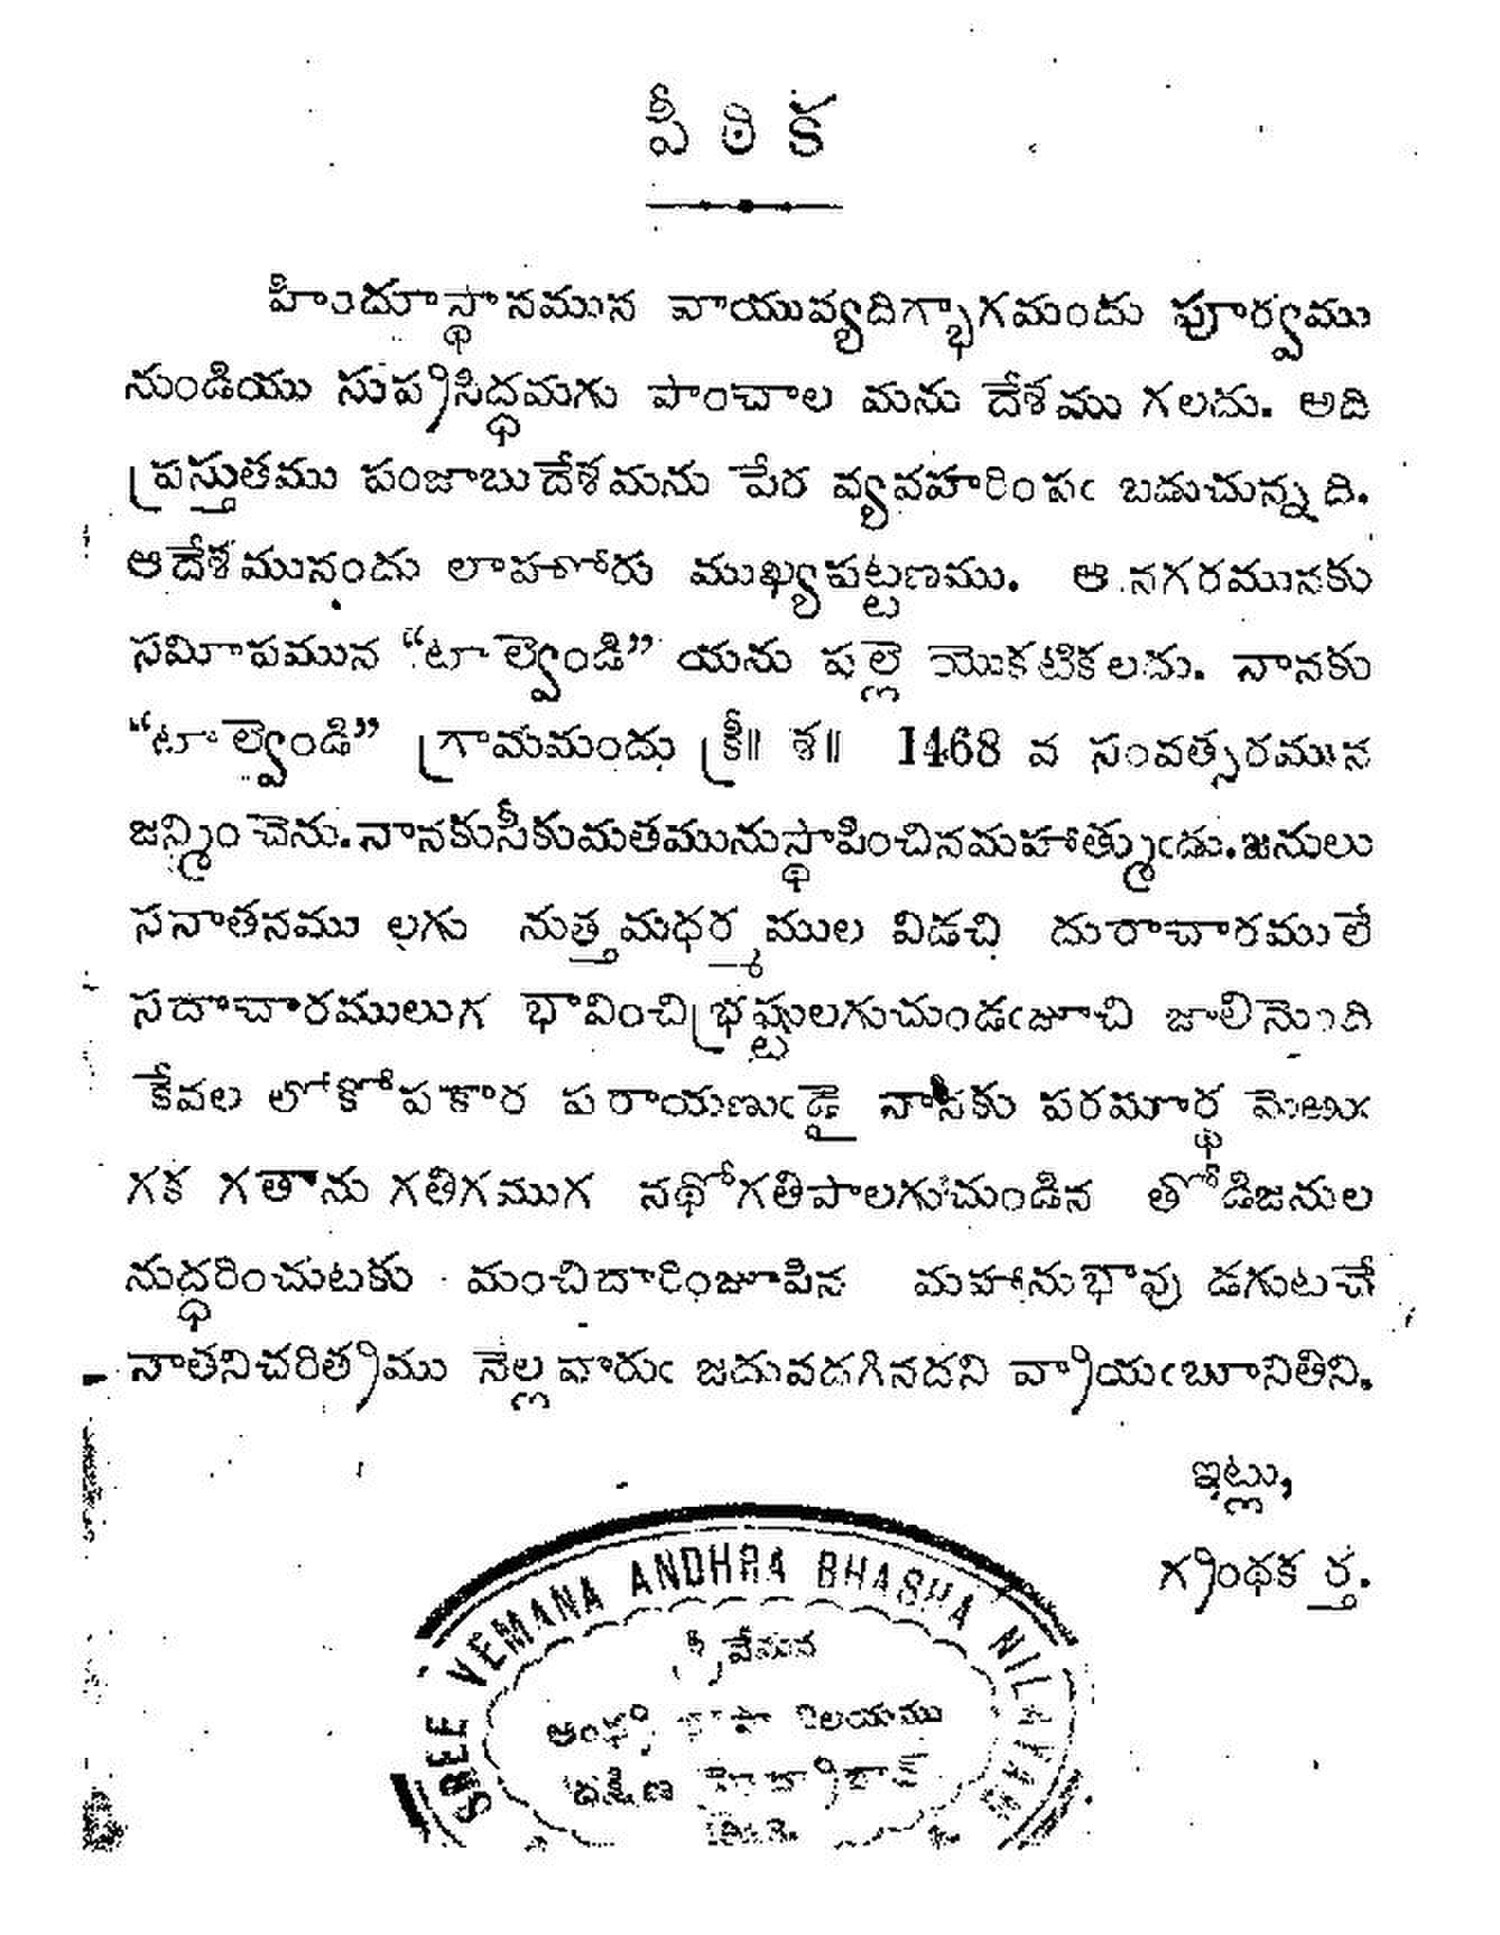హిందూస్థానమున వాయువ్యదిగ్భాగమందు పూర్వము నుండియు సుప్రసిద్ధమగు పాంచాల మను దేశము గలదు. అది ప్రస్తుతము పంజాబుదేశమను పేర వ్యవహరింప బడచున్నది. ఆదేశమునందు లాహోరు ముఖ్యపట్టణము. ఆ నగరమునకు సమీపమున "టాల్వెండి" యను పల్లె యొకటికలదు. నానకు "టాల్వెండి" గ్రామమందు క్రీ.శ. 1468 వ సంవత్సరమున జన్మించెను. నానకు సీకుమతమును స్థాపించిన మహాత్ముడు. జనులు సనాతనము లగు నుత్తమధర్మముల విడచి దురాచారములే సదాచారముగ భావించి భ్రష్టులగుచుండ జూచి జాలినొంది కేవల లోకోపకార పరాయణుడై నానకు పరమార్థ మెఱుగక గతాను గతిగముగ నథోగతిపాలగుచుండిన తోడిజనుల నుద్ధరించుటకు మంచిదారింజూపిన మహానుభావు డగుటచే నాతనిచరిత్రము నెల్లవారు జదువదగినదని వ్రాయబూనితిని.